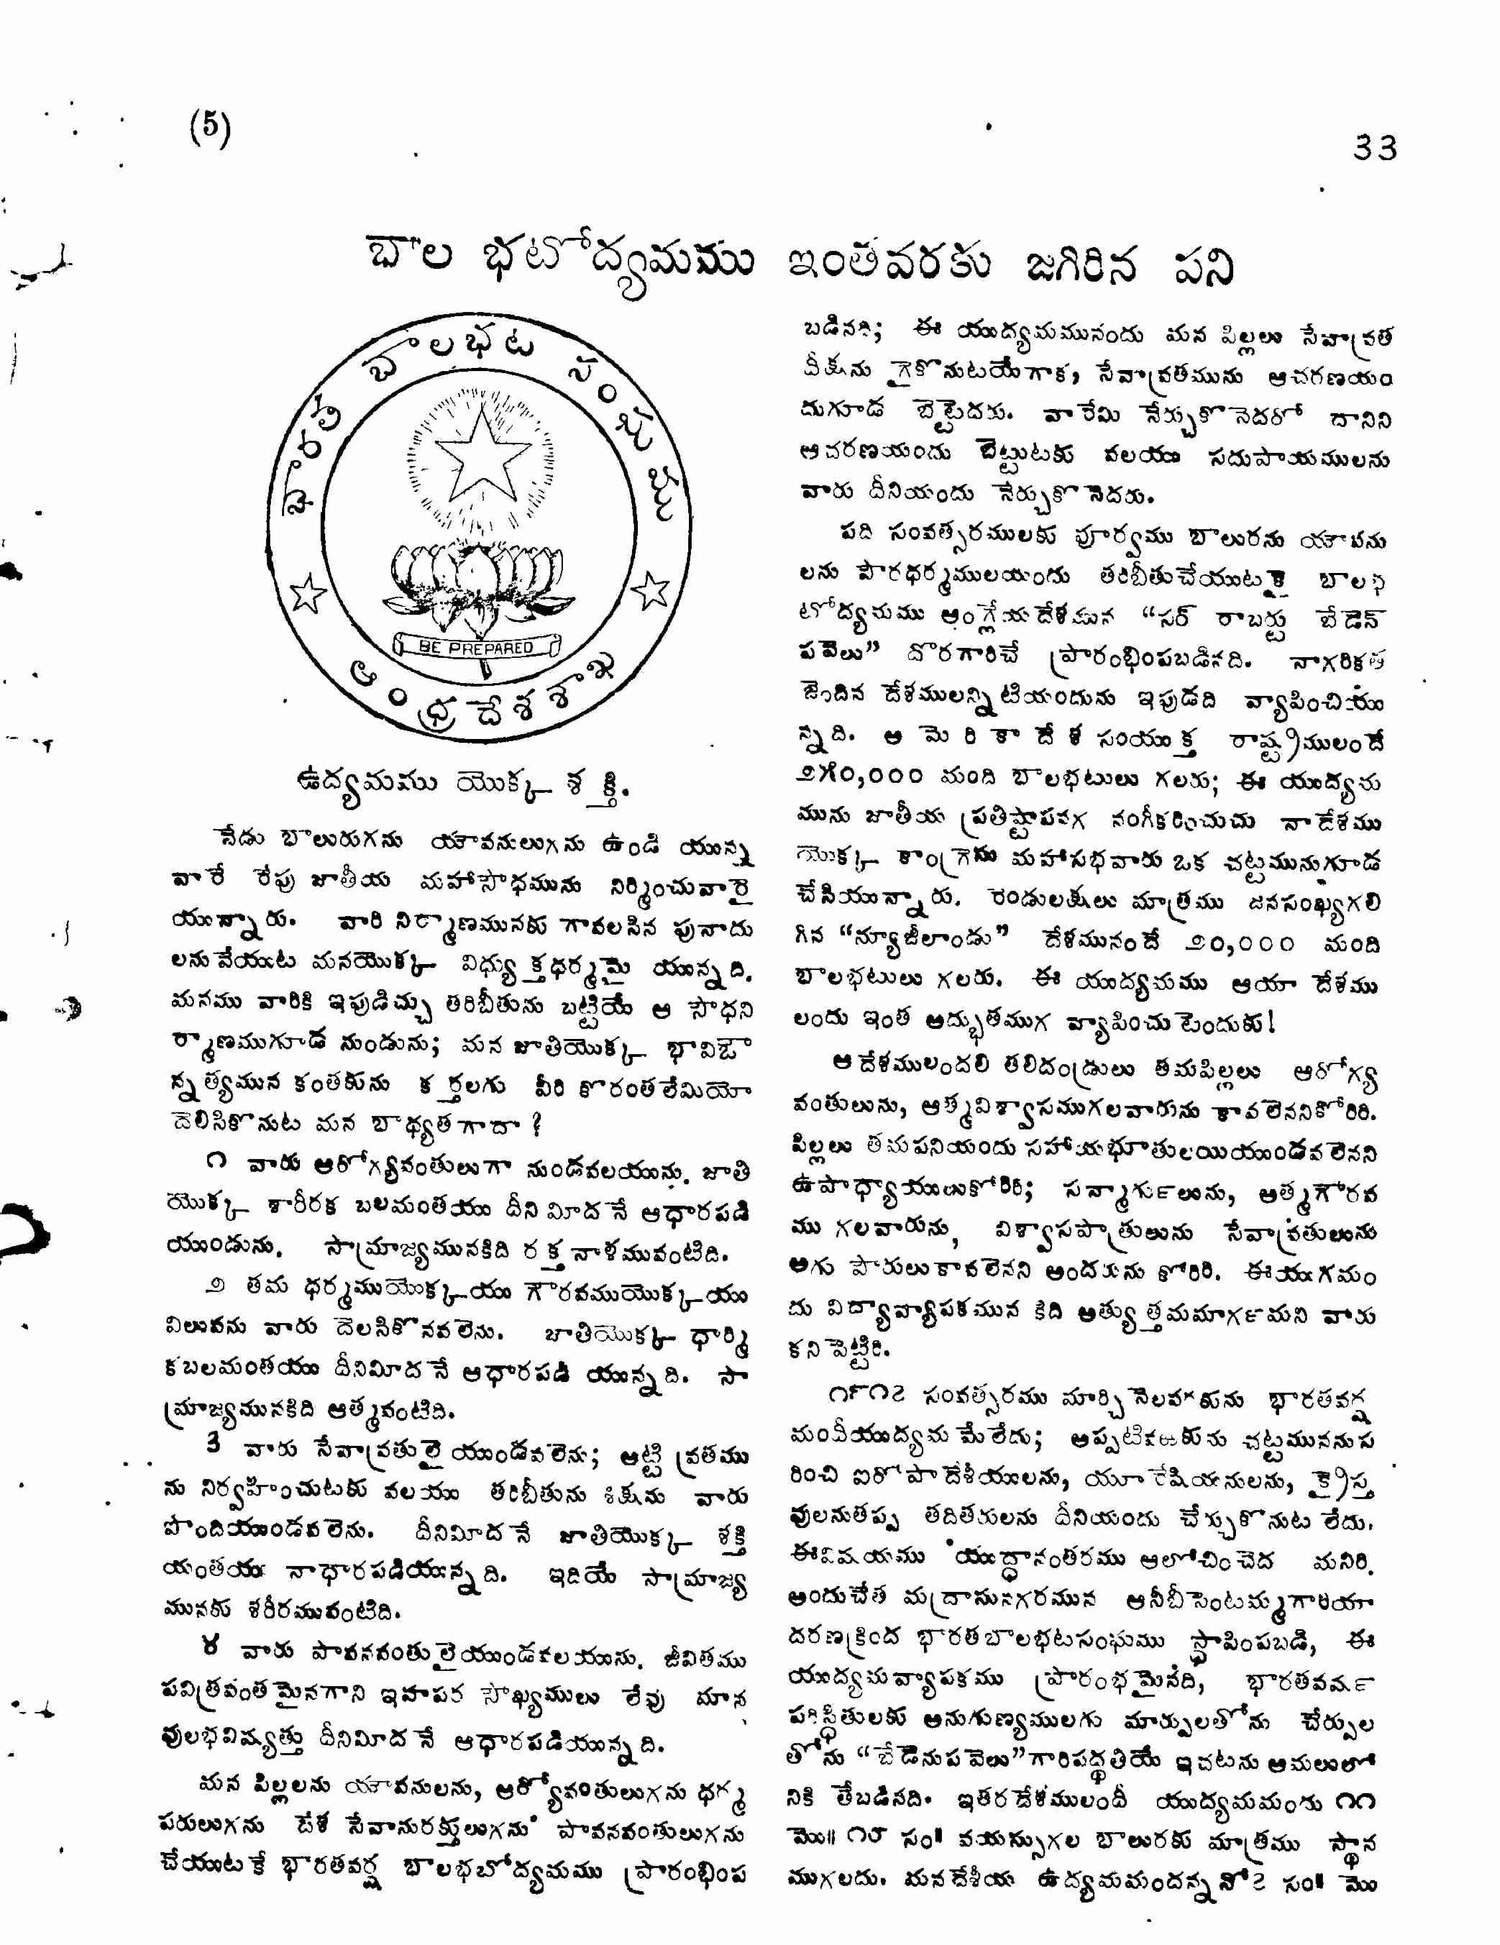నేడు బాలురుగను యౌవనులుగాను ఉండి యున్నవారే రేపు జాతీయ మహాసౌధమును నిర్మించువారై యున్నారు. వారి నిర్మాణమునకు గావలసిన పునాదులను వేయుట మనయొక్క విధ్యుక్తధర్మమై యున్నది. మనము వారికి ఇపుడిచ్చు తరిబీతును బట్టియే ఆ సౌధ
నిర్మాణము గూడ నుండును. మన జాతియొక్క భావిఔన్నత్యమున కంతకును కర్తలగు వీరి కొరంతలేమియో దెలిసికొనుట మన బాధ్యతగాదా? 

౧ వారు ఆరోగ్యవంతులుగా నుండవలయును. జాతి యొక్క శారీరక బలమంతయు దీని మీదనే ఆధారపడి యుండును. సామ్రాజ్యమున
కిది రక్త నాళమువంటిది.

౨ తమ ధర్మము యొక్కయు గౌరవముయొక్కయు విలువను వారు దెలిసికొనవలెను. జాతియుక్క ధార్మికబలమంతయు దీనిమీదే 
ఆధారపడి యున్నది. సామ్రాజ్యమునకిది ఆత్మవంటిది.

౩ వారు సేవావ్రతులై యుండవలెను; అట్టి వ్రతమును నిర్వహించుటకు వలయు తరిబీతును శిక్షను వారు పొంది యు౦డవలెను. 
దీనిమీదనే జాతియొక్క శక్తి యంతయ నాధారపడియున్నది. ఇదియే సామ్రాజ్యమునకు శరీరమువంటిది.

౪ వారు పావనవంతులైయుండవలయును. జీవితము పవిత్రవంతమైనగాని ఇహపర సౌఖ్యములు లేవు మానవుల భవిష్యత్తు దీనిమీదనే ఆధారపడియున్నది.

మన పిల్లలను యౌవనులను, ఆర్యోగ్యవంతులుగాను ధర్మపరులుగను దేశ సేవానురక్తులుగను పావనవంతులుగను చేయుటకే భారతవర్ష భాలభభోద్యమము ప్రారంభింపబడినది. ఈ యుద్యమమునందు మన పిల్లలు సేవావ్రత దీక్షను గైకొనుటయేగాక, సేవావ్రతమును ఆచరణయందుగూడ బెట్టెదరు. వారేమి నేర్చుకొనెదరో దానిని ఆచరణయందు బెట్టుటకు వలయు సదుపాయములను వారు దీనియందు నేర్చుకొనెదరు.

పది సంవత్సరములకు పూర్వము బాలురను యౌవనులను పౌరధర్మములయందు తరబీతుచేయుటకై బాలభటోద్యమము ఆ౦గ్లేయ దేశమున “సర్ రాబర్టు బేడెన్ పవెలు” దొరగారిచే ప్రారంభింపబడినది. నాగరికజెందిన దేశములన్నిటియందును ఇపుడది వ్యాపించి 
యున్నది. అమెరికాదేశ సంయుక్త రాష్ట్రములందే ౨౫౦,౦౦౦ మంది బాలభటులు గలరు; ఈ యుద్యమమును జాతీయ ప్రతిష్టాపనగ నంగీకరించుచు నా దేశము యొక్క కాంగ్రెసు మహాసభవారు ఒక చట్టమును గూడ చేసియున్నారు. రెండులక్షలు మాత్రము జనసంఖ్య
గలిగిన “న్యూజీలాండు” దేశమునందే ౨౦,౦౦౦ మంది బాలభటులు గలరు. ఈ యుద్యమము ఆయా దేశము లందు ఇంత అద్భుతముగ వ్యాపించుటెందుకు!

ఆ దేశములందలి తలిదండ్రులు తమపిల్లలు ఆరోగ్యవంతులును, ఆత్మవిశ్వాసముగలవారును కావలెననికోరిరి. పిల్లలు తమపనియందు సహాయభూతులయియుండవలెనని ఉపాధ్యాయులుకోరిరి; సన్మాగు౯లును, ఆత్మగౌరవము గలవారును, విశ్వాసపాత్రులును సేవావ్రతులును ఆగు పౌరులు కావలెనని అందరును కోరిరి. ఈయుగమందు విద్యావ్యాపకమున కిది అత్యుత్తమమాగ౯మని వారు కని పెట్టిరి. 

౧౯౧౭ సంవత్సరము మార్చి నెలవరకును భారతవర్షమందీయుద్యమమేలేదు; అప్పటికఱకును చట్టముననుసరించి ఐరోపా దేశీయులను, యూరేషియనులను, క్రైస్తవులను తప్ప తదితరులను దీనియందు చేర్చుకొనుట లేదు. ఈ విషయము 'యుద్ధానంతరము ఆలోచించెద మనిరి. అందుచేత మద్రాసు నగరమున ఆనీబీసెంటమ్మగారి యాదరణక్రింద భారతబాలభటసంఘము స్థాపింపబడి, ఈ యుద్యమ వ్యాపకము ప్రారంభమైనది, భారతవష౯ పరిస్ధితులకు అనుగుణ్యములగు మార్పులతోను చేర్పుల తోను “బేడెనుపవెలు” గారి పద్ధతియే ఇచటను అమలులోనికి తేబడినది. ఇతర దేశములందీ యుద్యమమందు ౧౧ మొ॥ ౧౮ సం॥ వయస్సుగల బాలురకు మాత్రము స్థానము గలదు. మనదేశీయ ఉద్యమమందన్ననో ౭ సం॥ మొ